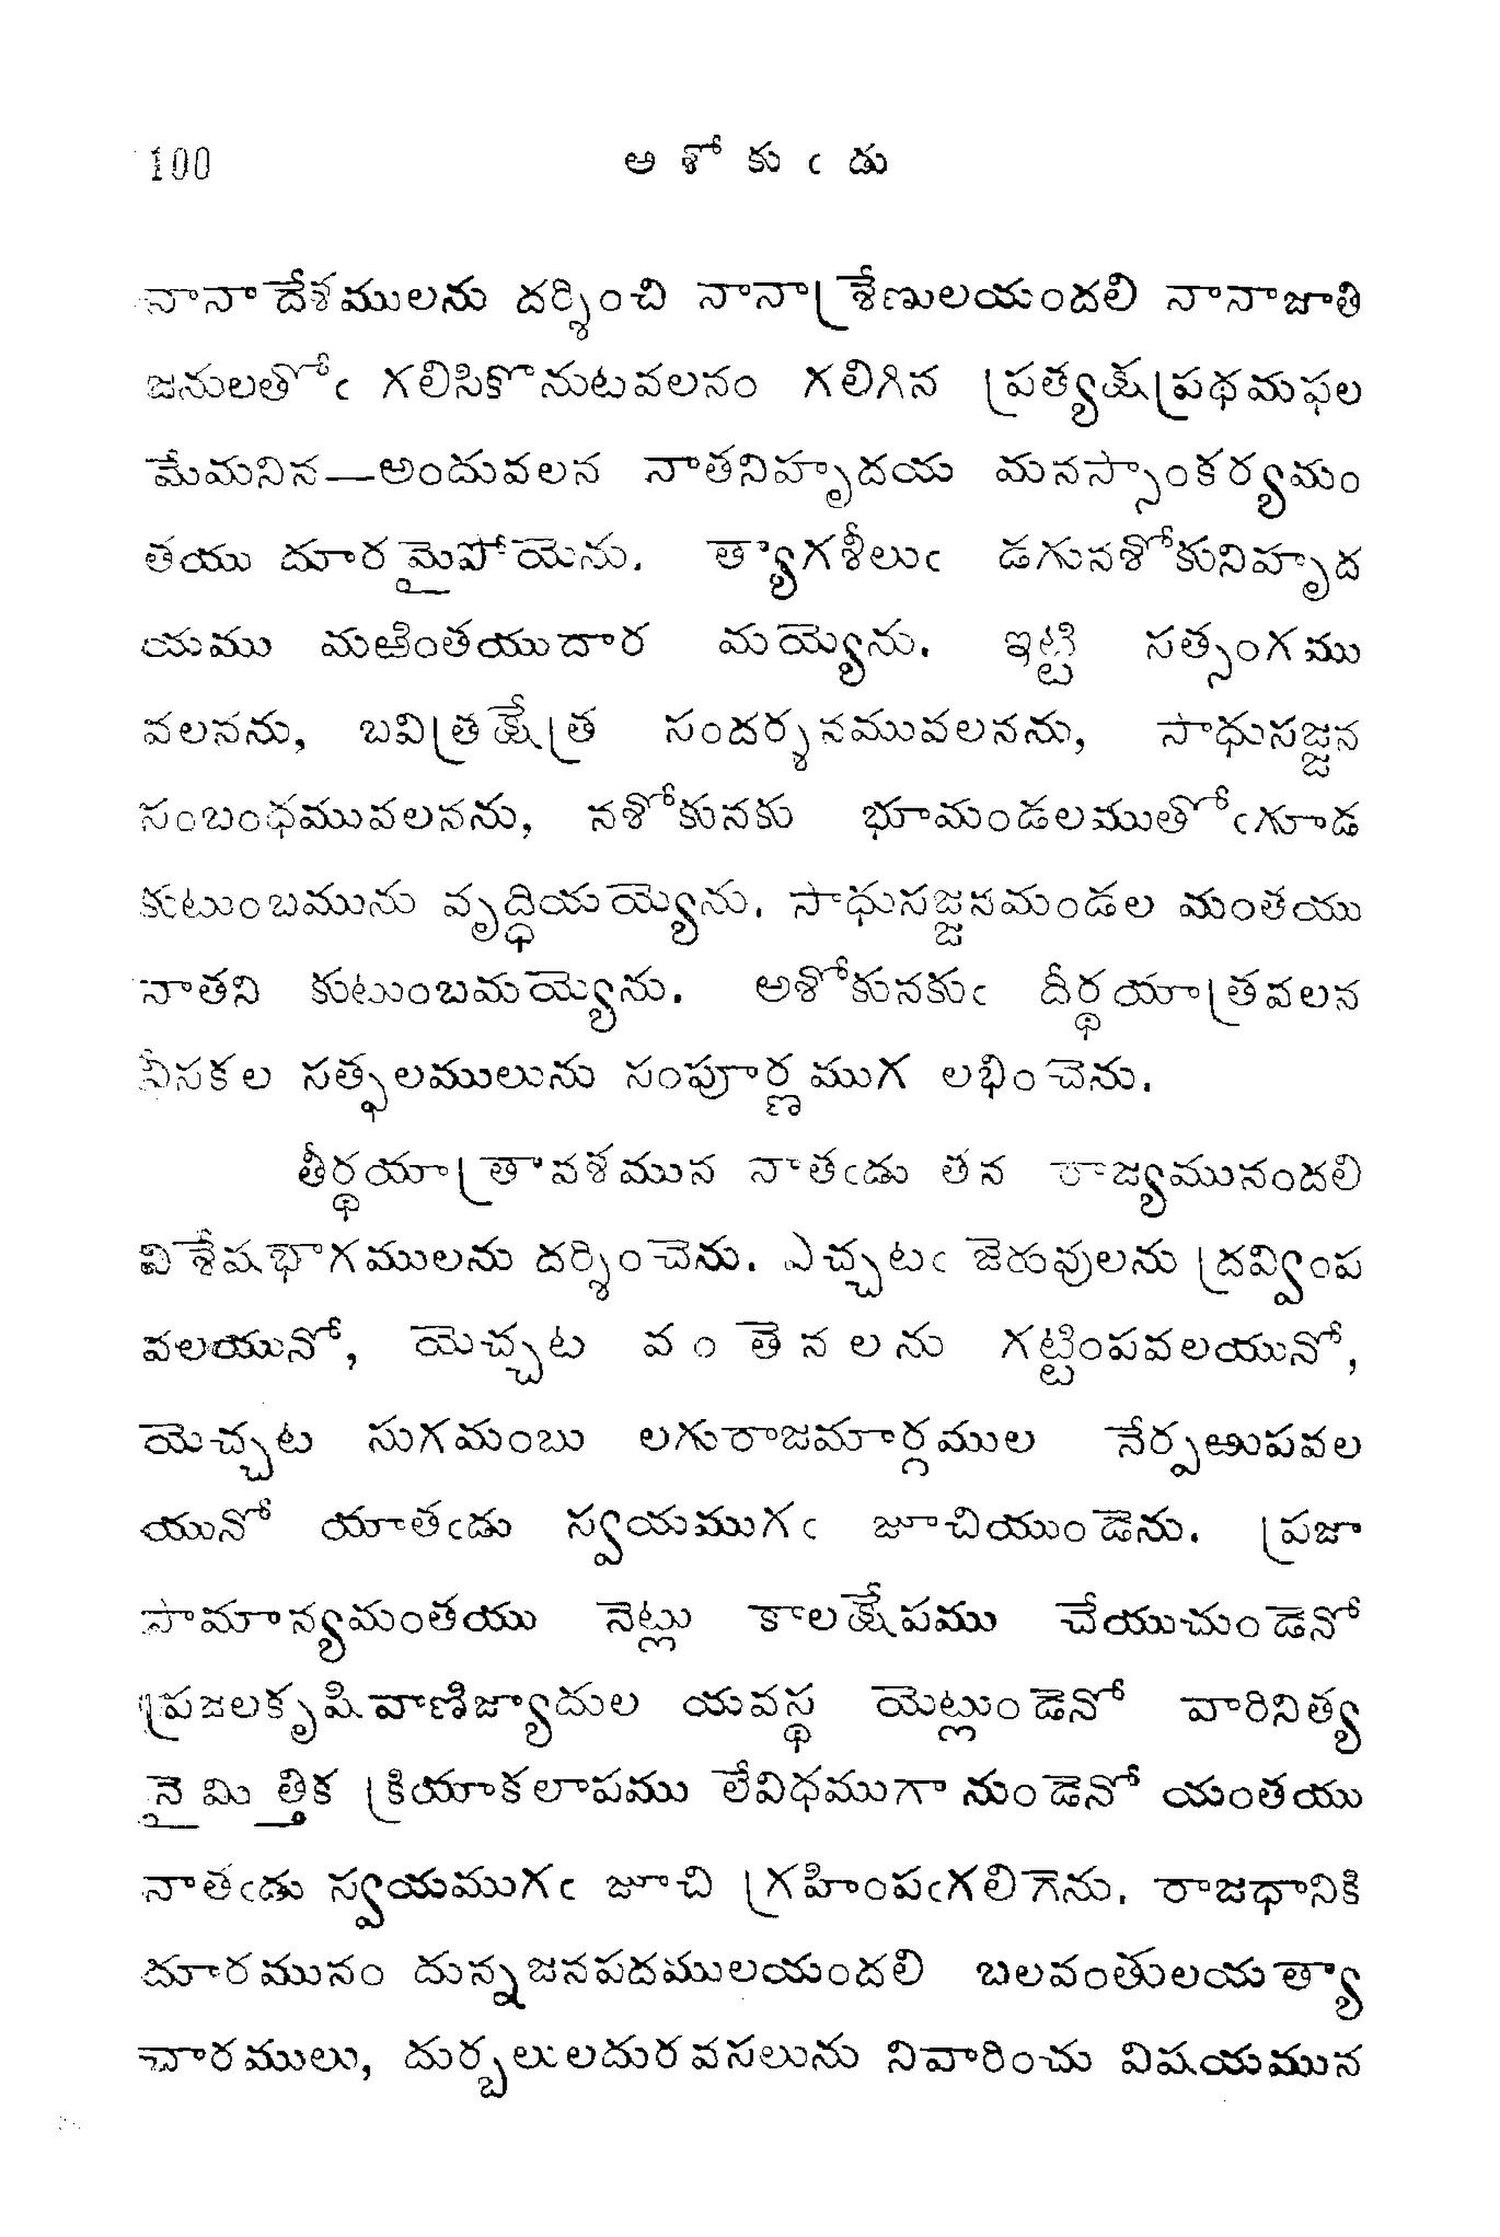నానా దేశములను దర్శించి నానాశ్రేణులయందలి నానాజాతి జనులతోఁ గలిసికొనుటవలనం గలిగిన ప్రత్యక్ష ప్రథమఫలమేమనిన – అందువలన నాతని హృదయ మనస్సాంకర్యమంతయు దూరమైపోయెను. త్యాగశీలుఁ డగునశోకునిహృదయము మఱింతయు దార మయ్యెను. ఇట్టి సత్సంగము వలనను, బవిత్ర క్షేత్ర సందర్శనమువలనను, సాధుసజ్జన సంబంధము వలనను, నశోకునకు భూమండలముతోఁగూడ కుటుంబమును వృద్ధియయ్యెను. సాధుసజ్జనమండల మంతయు నాతని కుటుంబమయ్యెను. అశోకునకుఁ దీర్ఘ యాత్రవలన
వీసకల సత్ఫలములును సంపూర్ణముగ లభించెను.

తీర్థయాత్రావశమున నాతఁడు తన రాజ్యమునందలి విశేషభాగములను దర్శించెను. ఎచ్చటఁ జెరువులను ద్రవ్వింప వలయునో, యెచ్చట వంతెన లను గట్టింపవలయునో, యెచ్చట సుగమంబు లగురాజమార్గముల నేర్పఱుపవలయునో యాతఁడు స్వయముగఁ జూచీ యుండెను. ప్రజా సామాన్యమంతయు నెట్లు కాలక్షేపము చేయుచుండెనో ప్రజలకృషి వాణిజ్యాదుల యవస్థ యెట్లుం డెనో వారినిత్య నైమిత్తిక క్రియాకలాపము లేవిధముగా నుండెనో యంతయు నాతఁడు స్వయముగఁ జూచి గ్రహింపఁగలిగెను. రాజధానికి దూరమునం దున్న జనపదములయందలి బలవంతులయ త్యాచారములు, దుర్బలు లదురవస్థలును నివారించు విషయమున